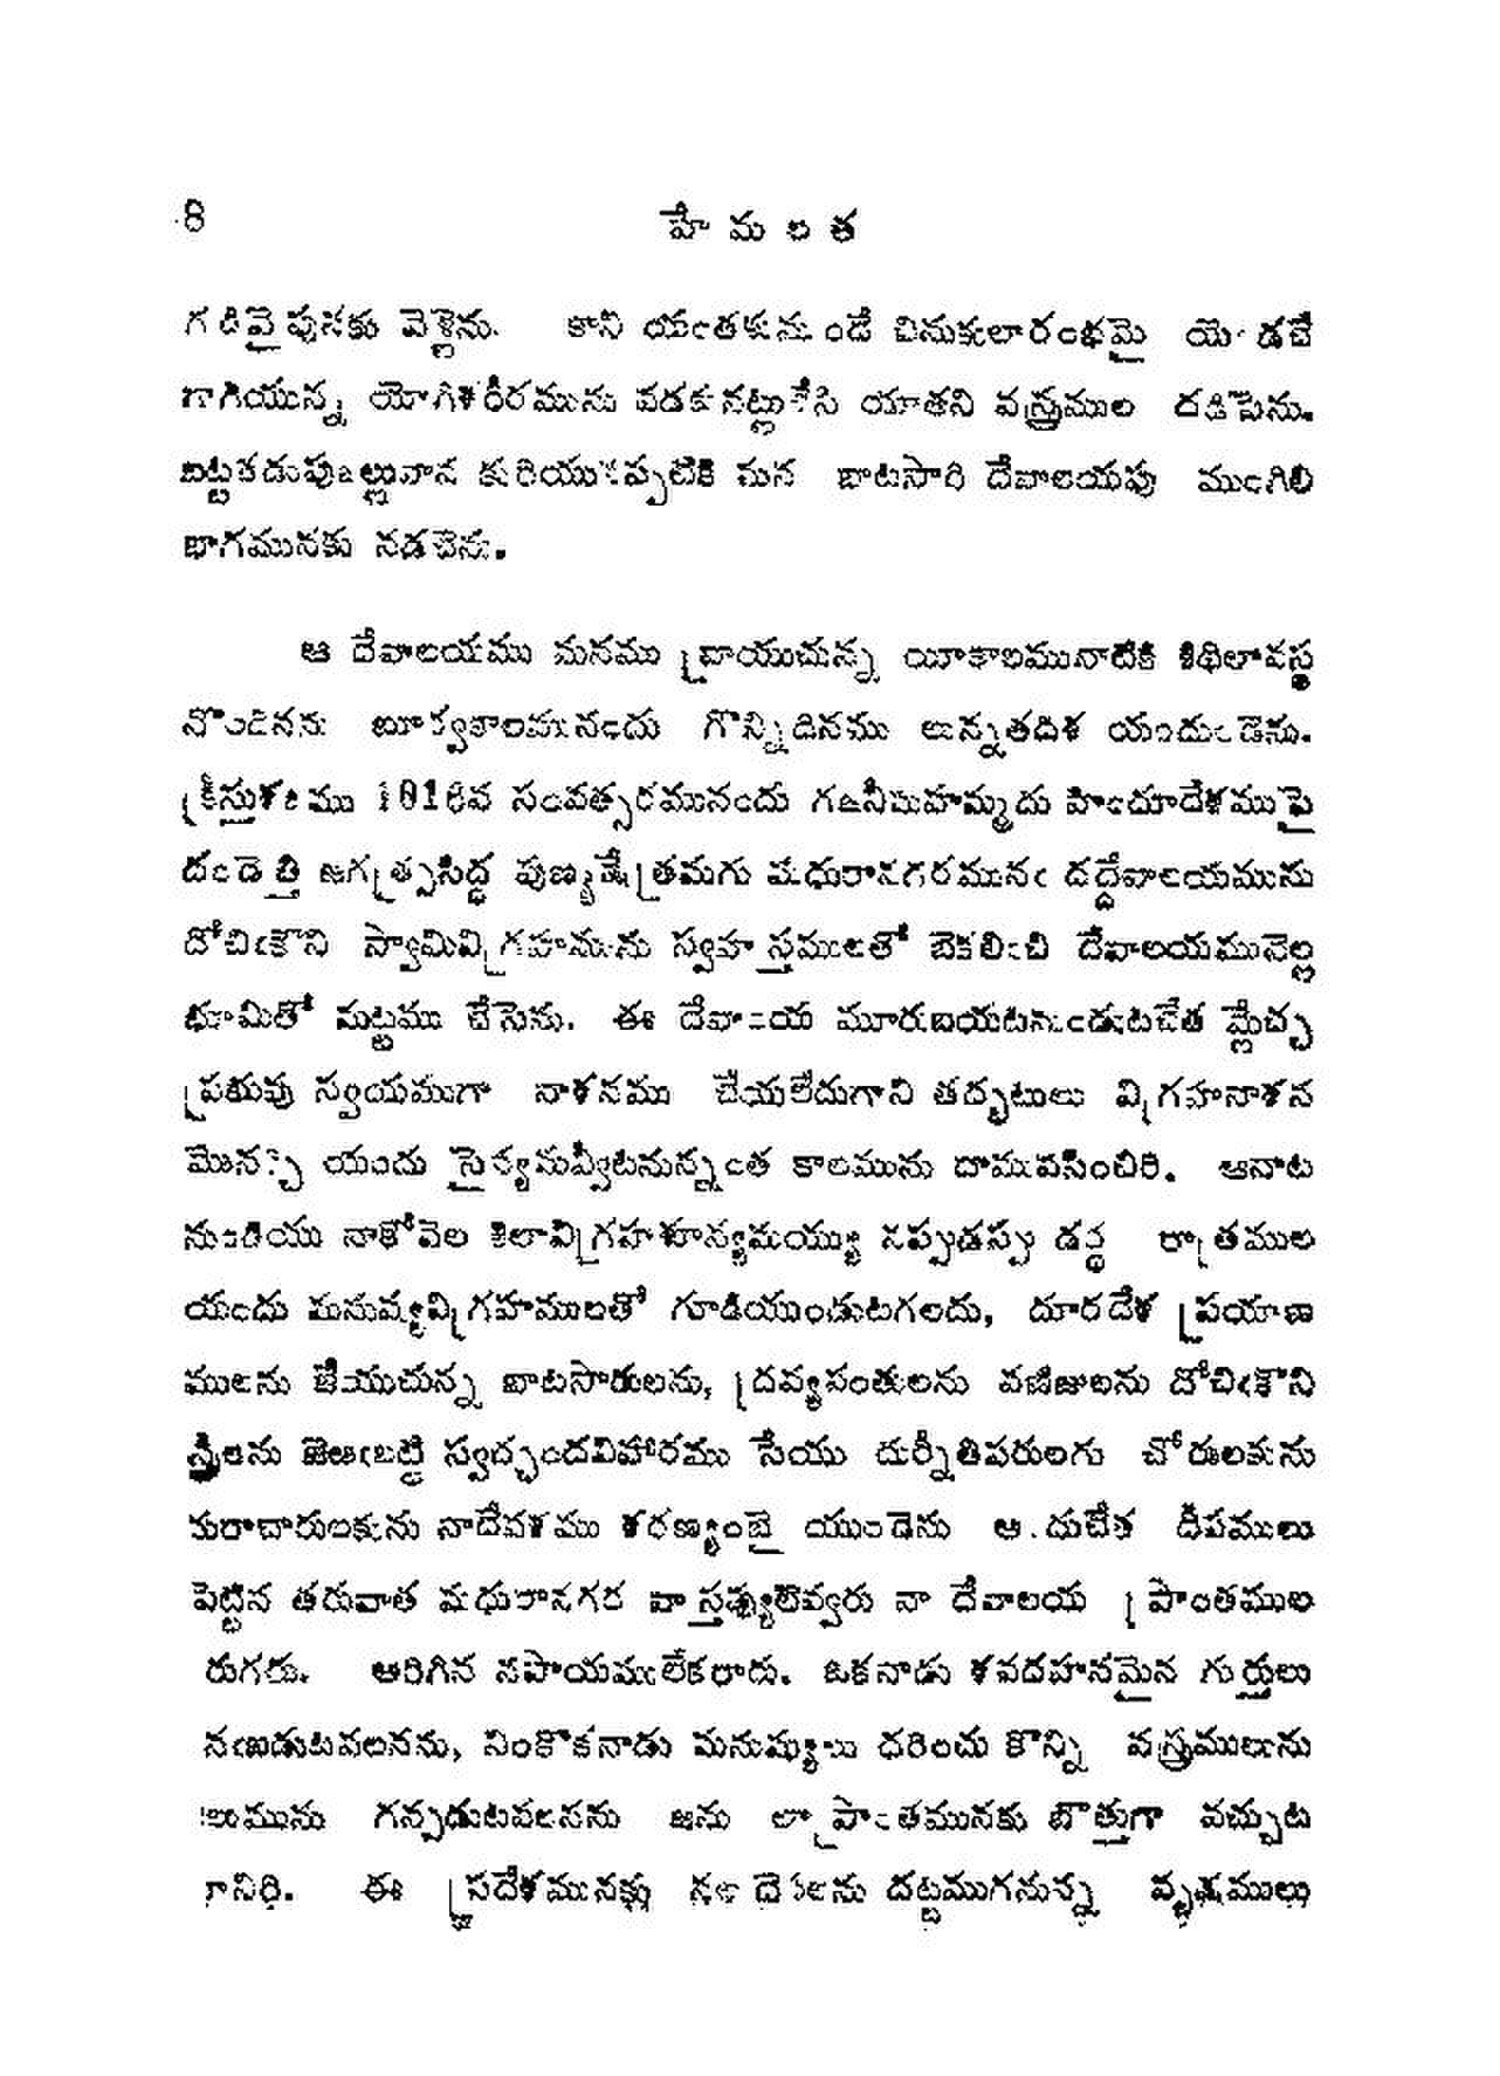గడివైపునకు వెళ్లెను. కొని యంతకుముందే చినుకులారంభమై యెండచే గాగియున్న యోగి శరీరమును వడకునట్లు చేసి యాతని వస్త్రముల దడిపెను. బట్టతడుపుజల్లువాన కురియునప్పటికి మన బాటసారి దేవాలయపు ముంగిలి భాగమునకు నడచెను.

ఆ దేవాలయము మనము వ్రాయుచున్న యీకాలమునాటికి శిథిలావస్థ నొందినను బూర్వకాలము నందు గొన్ని దినము లున్నతదశ యందుండెను. క్రీస్తుశకము 1016వ సంవత్సరమునందు గజనీ మహమ్మదు హిందూదేశముపై దండెత్తి జగత్ప్రసిద్ధ పుణ్య క్షేత్రమగు మధురానగరమునఁ దద్దేవాలయమును దోచిఁకొని స్వామివిగ్రహమును స్వహస్తములతో బెకలించి దేవాలయమునెల్ల భూమితో మట్టము చేసెను. ఈ దేవాలయ మూరు బయటనుండుటచేత మ్లేచ్ఛ ప్రభువు స్వయముగా నాశనము చేయలేదుగాని తద్భటులు విగ్రహనాశన మొనర్చి యందు సైన్యమవ్వీటనున్నంత కాలమును దామువసించిరి. ఆనాట నుండియు నాకోవెల శిలావిగ్రహశూన్యమయ్యు నప్పుడప్పుడు డర్థ రాత్రముల యందు మనుష్యవిగ్రహములతో గూడియుండుటగలదు. దూరదేశ ప్రయాణములను జేయుచున్న బాటసారులను, ద్రవ్వపంతులను వణిజులను దోచిఁకొని స్త్రీలను జెఱఁబట్టి స్వచ్ఛందవిహారము సేయు దుర్నీతిపరులగు చోరులకును దురాచారులకును నాదేవళము శరణ్యంబై యుండెను. అందుచేత దీపములు పెట్టిన తరువాత మధురానగర వాస్తవ్యులెవ్వరు నా దేవాలయ ప్రాంతముల రుగరు. అరిగిన నపాయము లేకరారు. ఒకనాడు శవదహనమైన గుర్తులు కనఁబడుట వలనను, నింకొకనాడు మనుష్యులు ధరించు కొన్ని వస్త్రములును గన్పడుటవలనను జను లాప్రాంతమునకు బొత్తుగా వచ్చుట మానిరి. ఈ ప్రదేశమునకు నలుదెసలను దట్టముగనున్న వృక్షములు